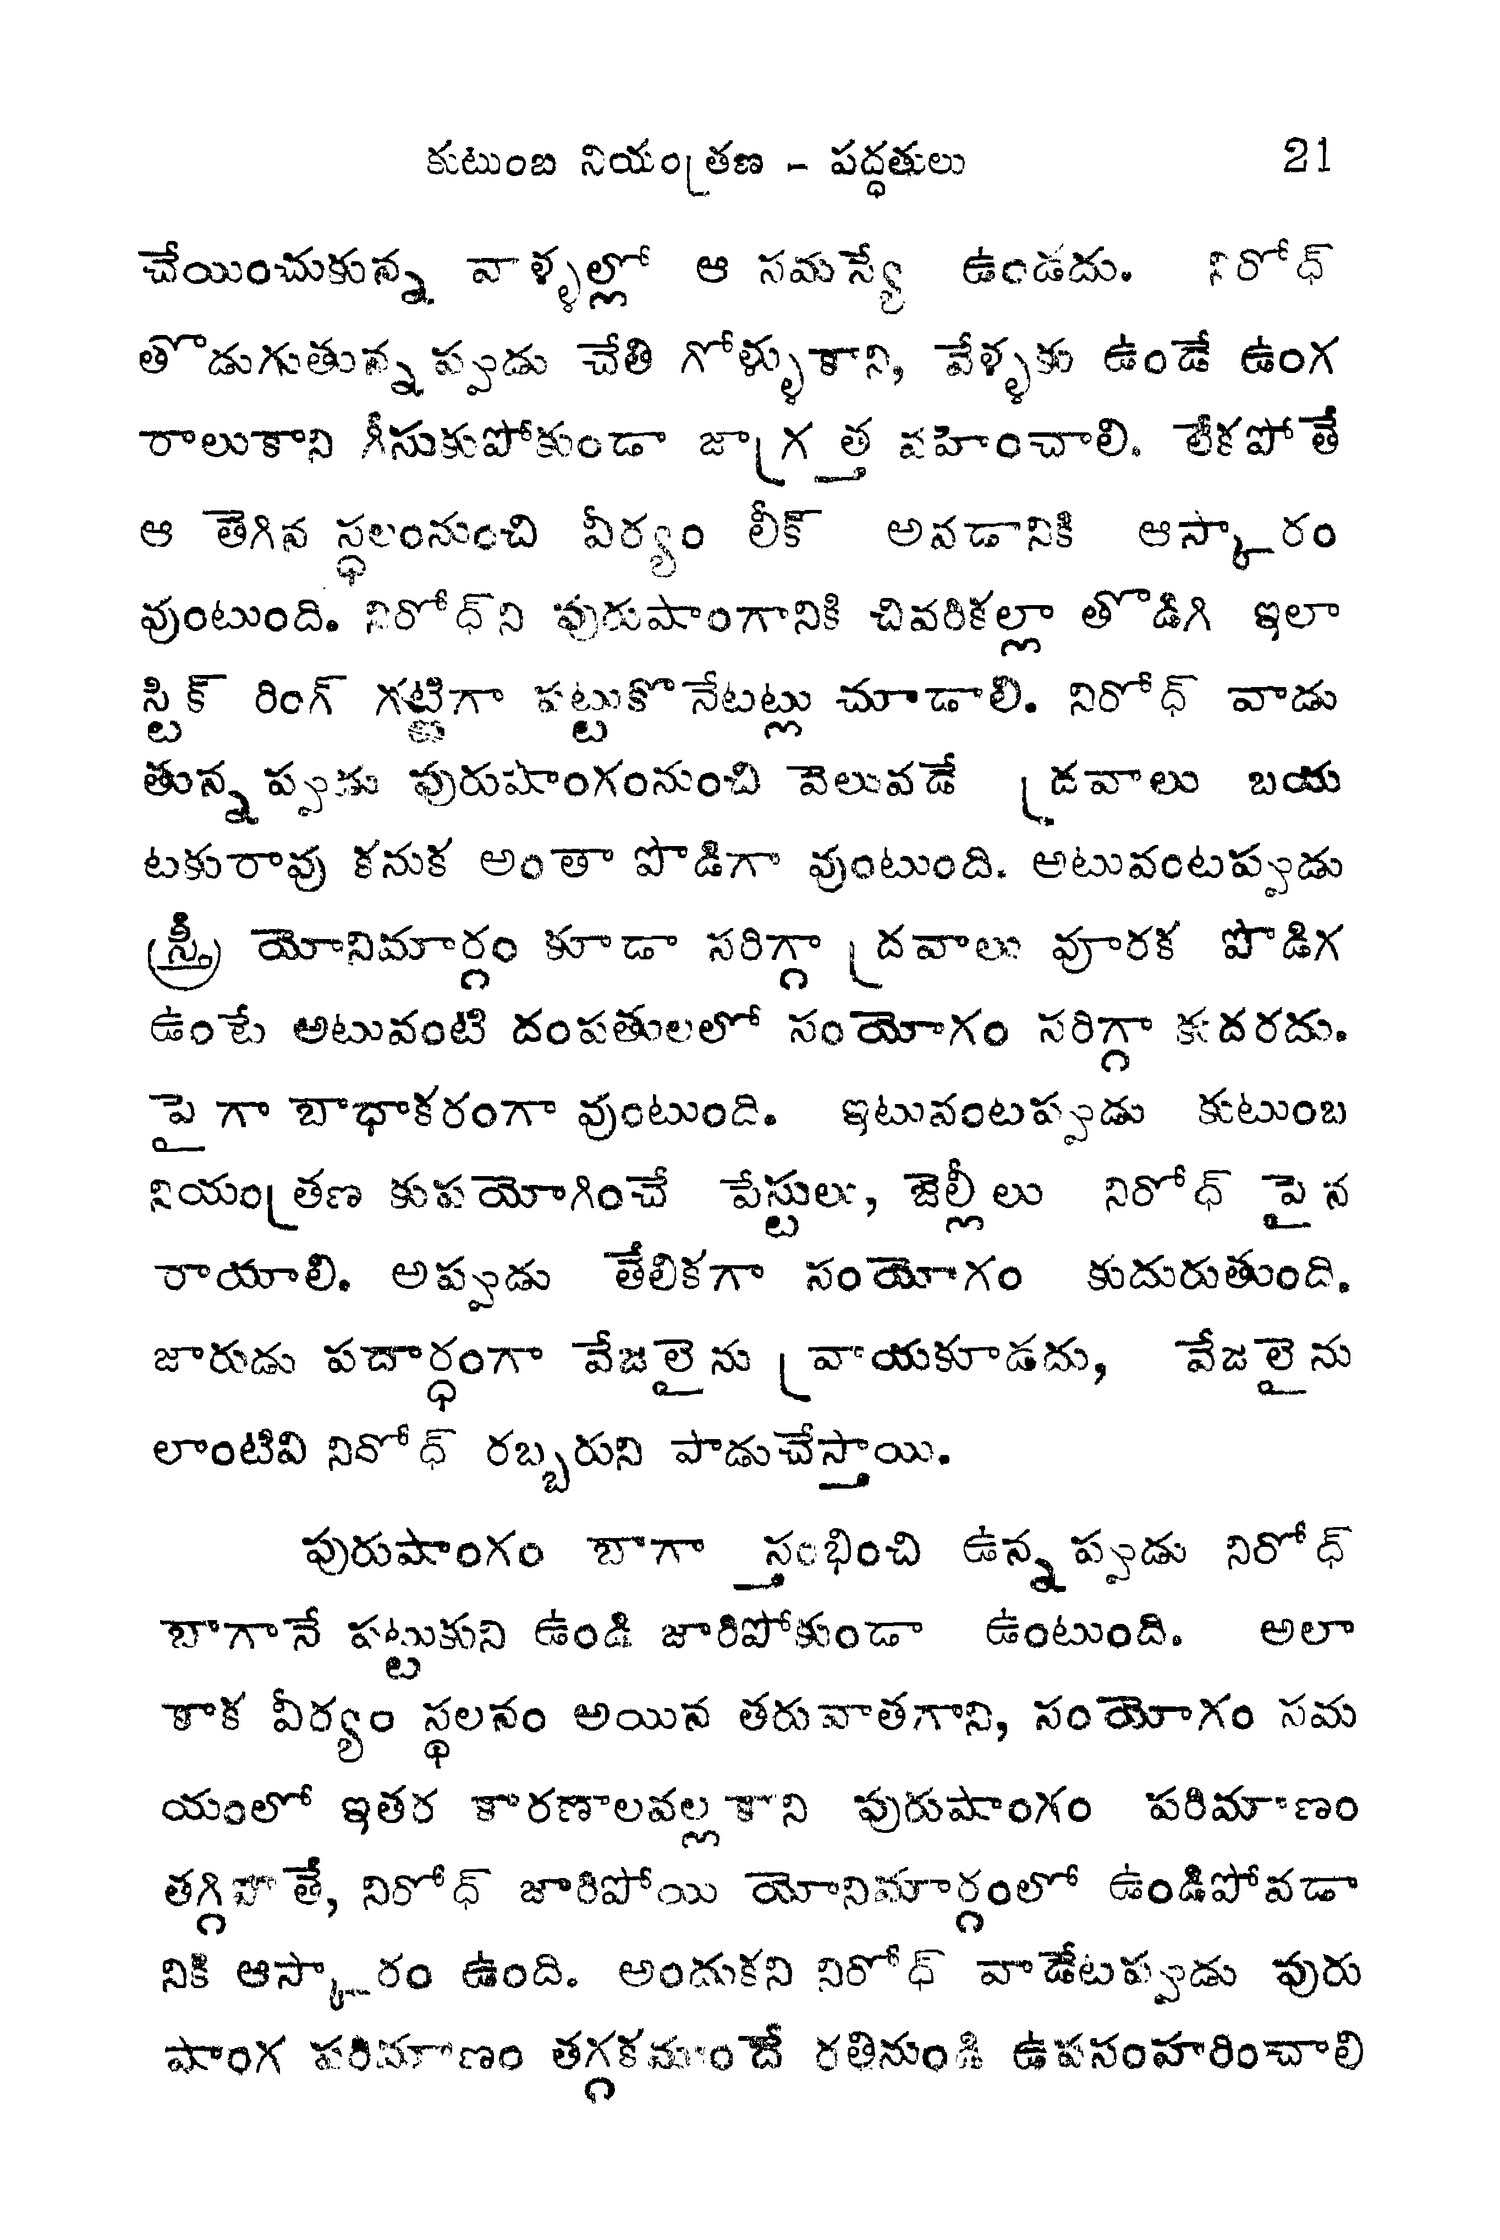చేయించుకున్న వాళ్ళల్లో ఆ సమస్యే ఉండదు. నిరోధ్ తొడుగుతున్నప్పుడు చేతి గోళ్ళుకాని, వేళ్ళకు ఉండే ఉంగరాలుకాని గీసుకుపోకుండా జాగ్రత్త వహించాలి. లేకపోతే ఆ తెగిన స్థలంనుంచి వీర్యం లీక్ అవడానికి ఆస్కారం వుంటుంది. నిరోధ్‌ని పురుషాంగానికి చివరికల్లా తొడిగి ఇలా స్టిక్ రింగ్ గట్టిగా పట్టుకొనేటట్లు చూడాలి. నిరోధ్ వాడుతున్నప్పుడు పురుషాంగంనుంచి వెలువడే ద్రవాలు బయటకురావు కనుక అంతా పొడిగా వుంటుంది. అటువంటప్పుడు స్త్రీ యోనిమార్గం కూడా సరిగ్గా ద్రవాలు వూరక పొడిగ ఉంటే అటువంటి దంపతులలో సంయోగం సరిగ్గా కుదరదు. పైగా బాధాకరంగా వుంటుంది. ఇటువంటప్పుడు కుటుంబ నియంత్రణ కుపయోగించే పేస్టులు, జెల్లీలు నొరోధ్ పైన రాయాలి. అప్పుడు తేలికగా సంయోగం కుదురుతుంది. జారుడు పదార్ధంగా వేజలైను వ్రాయకూడదు, వేజలైను లాంటివి నిరోధ్ రబ్బరుని పాడుచేస్తాయి.

పురుషాంగం బాగా స్తంభించి ఉన్నప్పుడు నిరోధ్ బాగానే పట్టుకుని ఉండి జారిఫోకుండా ఉంటుంది. అలా కాక వీర్యం స్థలనం అయిన తరువాతగాని, సంయోగం సమయంలో ఇతర కారణాలవల్లకాని పురుషాంగం పరిమాణం తగ్గిపోతే, నిరోధ్ జారిపోయి యోనిమార్గంలో ఉండిపోవడానికి ఆస్కారం ఉంది. అందుకని నిరోధ్ వాడేటప్పుడు పురుషాంగ పరిమాణం తగ్గకముందే రతినుండి ఉపసంహరించాలి.